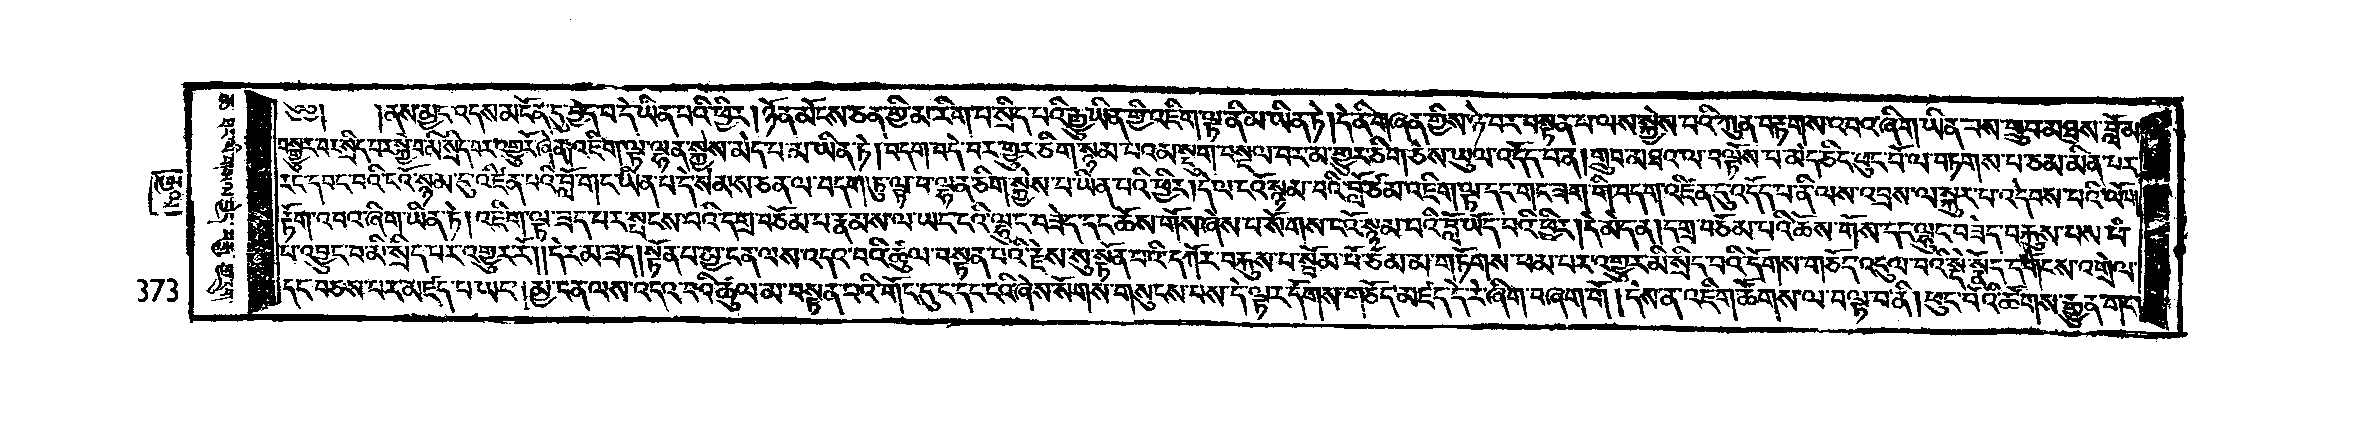༄༅། །ནས་མྱང་འདས་མངོན་དུ་བྱེད་པ་དེ་ཡིན་པའི་ཕྱིར། ཉོན་མོངས་ཅན་གྱི་མ་རིག་པ་སྲིད་པའི་རྒྱུ་ཡིན་གྱི་འཇིག་ལྟ་ནི་མ་ཡིན་ཏེ། དེ་ནི་གཞན་གྱིས་ཉེ་བར་བསྟན་པ་ལས་སྐྱེས་པའི་ཀུན་བརྟགས་འབའ་ཞིག་ཡིན་པས་གྲུབ་མཐུས་བློ་མ་
བསྒྱུར་བར་སྲིད་པར་སྐྱེ་བ་མི་སྲིད་པར་འགྱུར་རོ་ཞེ་ན། འཇིག་ལྟ་ལྷན་སྐྱེས་མེད་པ་མ་ཡིན་ཏེ། བདག་བདེ་བར་གྱུར་ཅིག་སྙམ་པའམ་སྡུག་བསྔལ་བར་མ་གྱུར་ཅིག་ཅེས་ཡུལ་འདོད་པ་ན། གྲུབ་མཐའ་ལ་བལྟོས་པ་མེད་ཅིང་ཕུང་པོ་ལ་བཏགས་པ་ཙམ་མིན་པར་
རང་དབང་བའི་ངའོ་སྙམ་དུ་འཛིན་པའི་བློ་གང་ཡིན་པ་དེ་སེམས་ཅན་ལ་བདག་ཏུ་ལྟ་བ་ལྷན་ཅིག་སྐྱེས་པ་ཡིན་པའི་ཕྱིར། དེ་ལ་ངའོ་སྙམ་པའི་བློ་ཙམ་འཇིག་ལྟ་དང་གང་ཟག་གི་བདག་འཛིན་དུ་འདོད་པ་ནི་ལས་འབྲས་ལ་སྐུར་པ་འདེབས་པའི་ལོག་
རྟོག་འབའ་ཞིག་ཡིན་ཏེ། འཇིག་ལྟ་ཟད་པར་སྤངས་པའི་དགྲ་བཅོམ་པ་རྣམས་ལ་ཡང་ངའི་ལྷུང་བཟེད་དང་ཆོས་གོས་ཞེས་པ་སོགས་ངའོ་སྙམ་པའི་བློ་ཡོད་པའི་ཕྱིར། དེ་མེད་ན། དགྲ་བཅོམ་པའི་ཆོས་གོས་དང་ལྷུང་བཟེད་བརྐུས་པས་ཕཾ་
པ་འབྱུང་བ་མི་སྲིད་པར་འགྱུར་རོ། །དེར་མ་ཟད། སྟོན་པ་མྱ་ངན་ལས་འདའ་བའི་ཚུལ་བསྟན་པའི་རྗེས་སུ་སྟོན་པའི་དཀོར་བརྐུས་པ་སྦོམ་པོ་ཙམ་མ་གཏོགས་ཕམ་པར་འགྱུར་མི་སྲིད་པའི་དོགས་གཅོད་འདུལ་བའི་སྡེ་སྣོད་དགོངས་འགྲེལ་
དང་བཅས་པར་མཛད་པ་ཡང་། མྱ་ངན་ལས་འདའ་བའི་ཚུལ་མ་བསྟན་པའི་གོང་དུ་ང་དང་ངའི་ཞེས་སོགས་གསུངས་པས་དེ་ལྟར་དོགས་གཅོད་མཛད་དེ་རེ་ཞིག་བཞག་གོ། དེས་ན་འཇིག་ཚོགས་ལ་བལྟ་བ་ནི། ཕུང་པོའི་ཚོགས་རྒྱུན་གང་